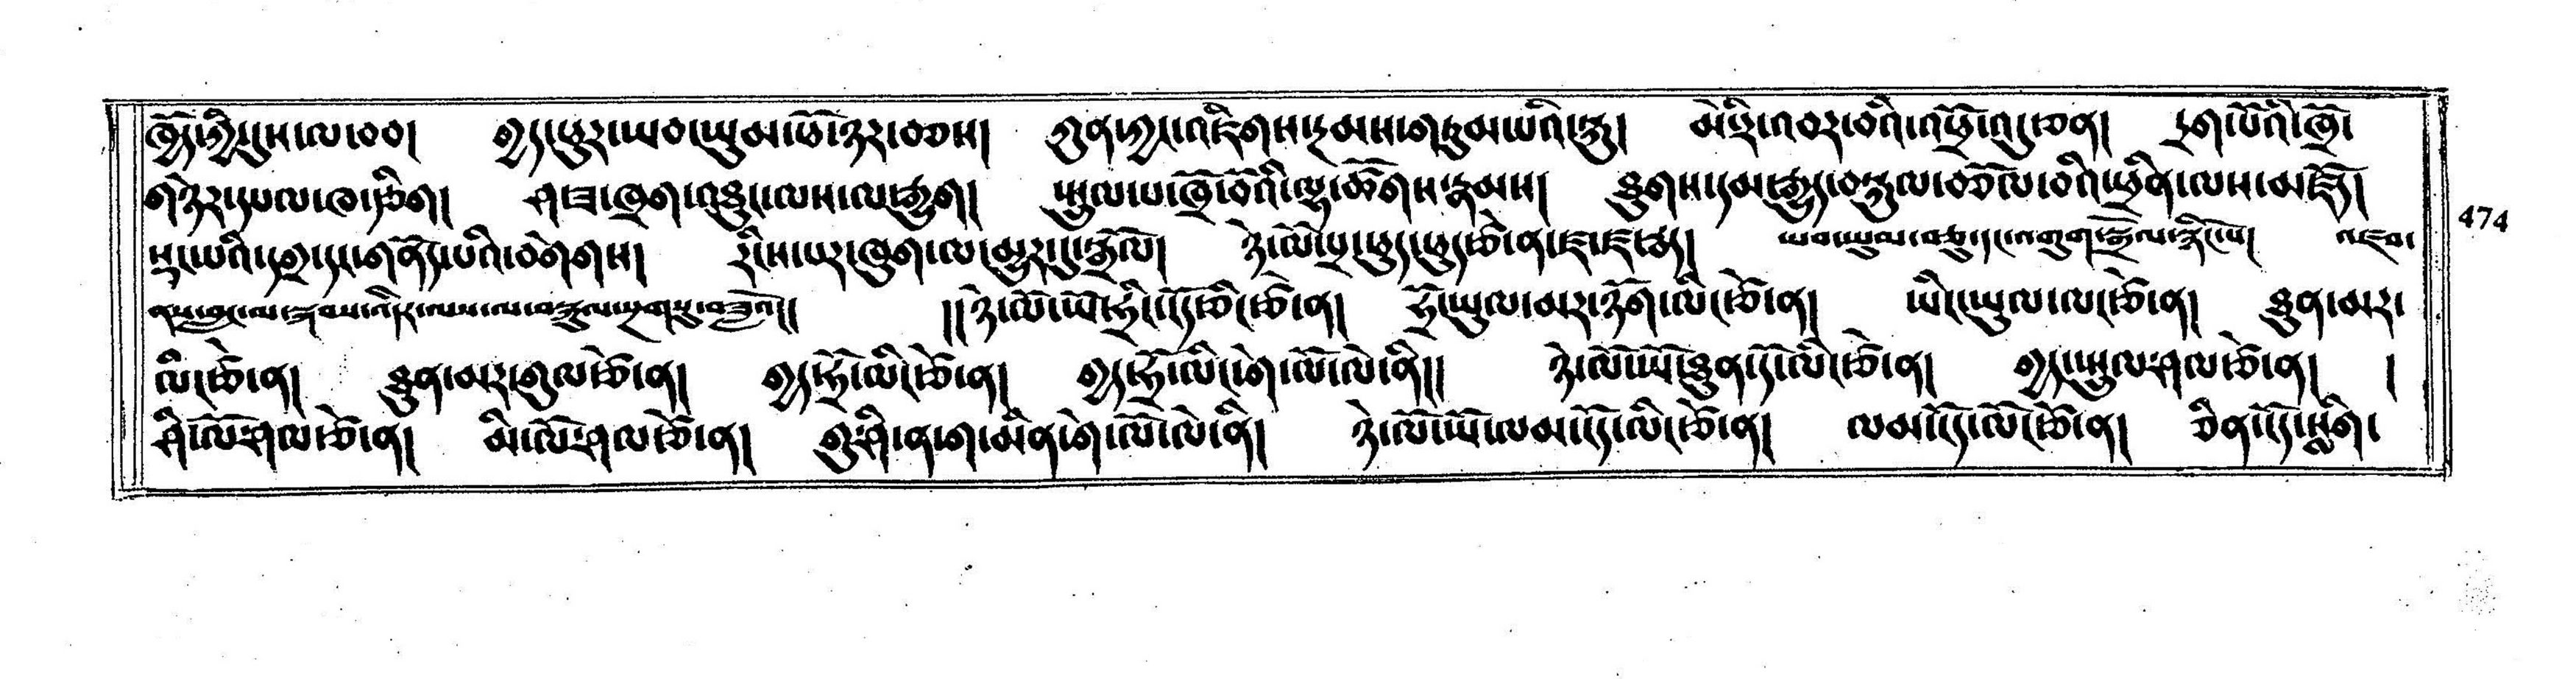ཁྱོད་ཀྱི་དུས་ལ་བབ། གྱད་ཕུར་ཡབ་ཡུམ་ཕོ་ཉར་བཅས། ཀུན་ཀྱང་འཇིགས་རྔམས་གཏུམ་པའི་སྐུ། མེ་རི་འབར་བའི་འཕྲོ་འདུ་ཅན། དྲག་པོའི་ཁྲོ་
གཉེར་དཔལ་ཁ་རྩིག ཤ་ཟ་ཁྲག་འཐུང་ལས་ལ་རྒྱུག སྤྲུལ་པ་ཁྲོ་བོའི་ལྷ་ཚོགས་རྣམས། ཐུགས་དམ་རྒྱུད་བསྐུལ་བཅོལ་པའི་ཕྲིན་ལས་མཛོད། 
སྡང་{487}པའི་དགྲ་དང་གནོད་པའི་བགེགས། རིངས་པར་ཁུག་ལ་མྱུར་དུ་སྒྲོལ། ཉེ་ལོ་ཡོ་པྲ་ཕུད་ཕུད་ཙེ་ན་ཛ་ཛ་རྦད། ཡབ་ཡུམ་བཅུ་དང་འགུག་སྒྲོལ་སྙིང་པོ། འཛབ་
ནས་བླང་ལ་སྐབས་འདིར་ལས་ལ་བསྐུལ་སྔགས་སུ་བཟླའོ། །།ཉེ་ལོ་ཡོ་ཧྲིང་ངོད་ཅིང་ཙེ་ན། ཧྲོ་ཡུལ་མར་ཉོག་ལིང་ཙེ་ན། ཡིང་ཡུལ་ལང་ཙེ་ན། ཐུན་མར་
ལིང་ཙེ་ན། ཐུན་མར་གུལ་ཙེ་ན། གྱད་ཧྲོ་ལིང་ཙེ་ན། གྱད་ཧྲོ་ལིང་གེ་ལོ་ལེ་ནི།། ཉེ་ལོ་ཡོ་ཐུན་དོ་ལིང་ཙེ་ན། གྱད་སྤྲུལ་ཤལ་ཙེ་ན། 
ཤི་ལོ་ཤལ་ཙེ་ན། མི་ལོ་ཤལ་ཙེ་ན། གུ་ཤི་ན་ག་མིན་གེ་ལོ་ལེ་ནི། ཉེ་ལོ་ཡོ་ལམ་ངོད་ལིང་ཙེ་ན། ལམ་ངོད་ལོང་ཙེ་ན། ཅིན་ངོད་སླིག་